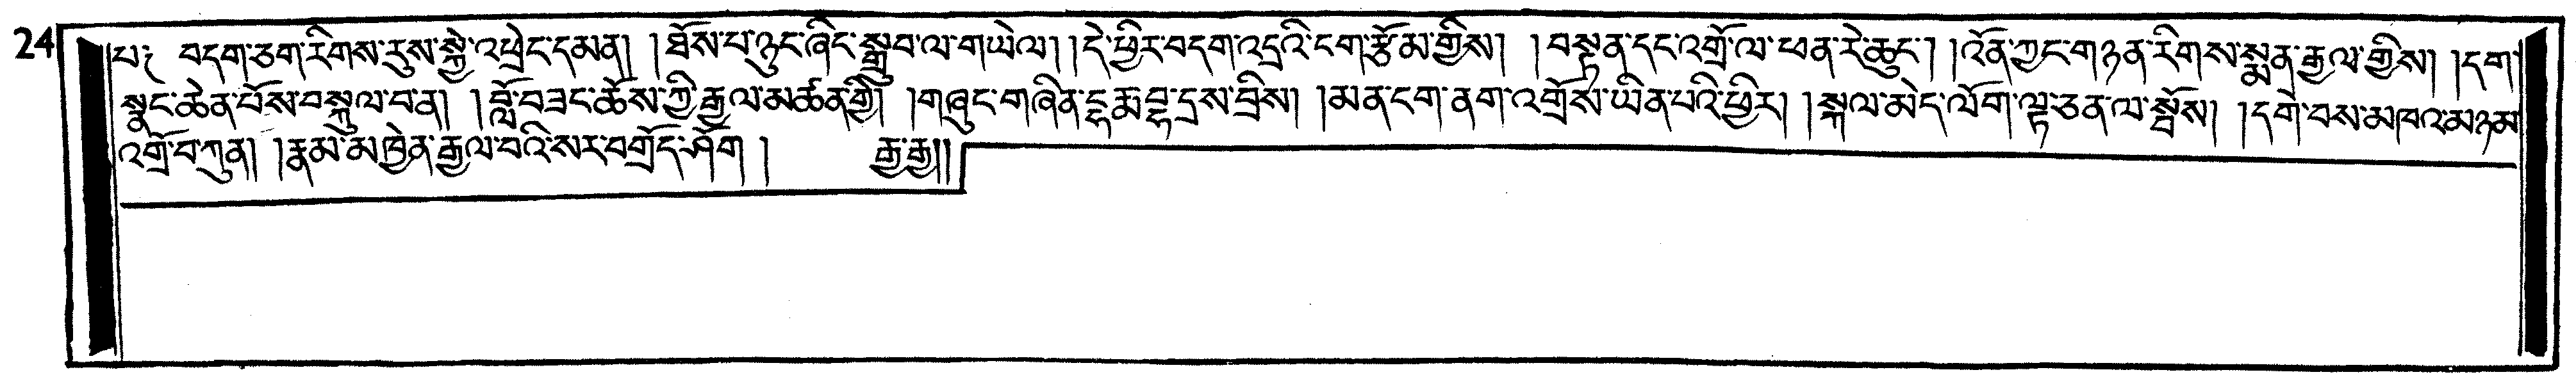པ༑ བདག་ཅག་རིགས་རུས་སྐྱེ་འཕྲེང་དམན། །ཐོས་པ་ཉུང་ཞིང་སྒྲུབ་ལ་གཡེལ། །དེ་ཕྱིར་བདག་འདྲའི་ངག་རྩོམ་གྱིས། །བསྟན་དང་འགྲོ་ལ་ཕན་རེ་ཆུང་། །འོན་ཀྱང་གཉན་རིགས་སྨན་རྒྱལ་གྱིས། །དག་
སྣང་ཆེན་པོས་བསྐུལ་བ་ན། །བློ་བཟང་ཆོས་ཀྱི་རྒྱལ་མཚན་གྱི། །གཞུང་གཞིན་དྷ་རྨ་བྷ་དྲས་བྲིས། །མན་ངག་ནག་འགྲོས་ཡིན་པའི་ཕྱིར། །སྐལ་མེད་ལོག་ལྟ་ཅན་ལ་སྦོས། །དགེ་བས་མཁའ་མཉམ་
འགྲོ་བ་ཀུན། །རྣམ་མཁྱེན་རྒྱལ་བའི་སར་བགྲོད་ཤོག །རྒྱ་རྒྱ།།